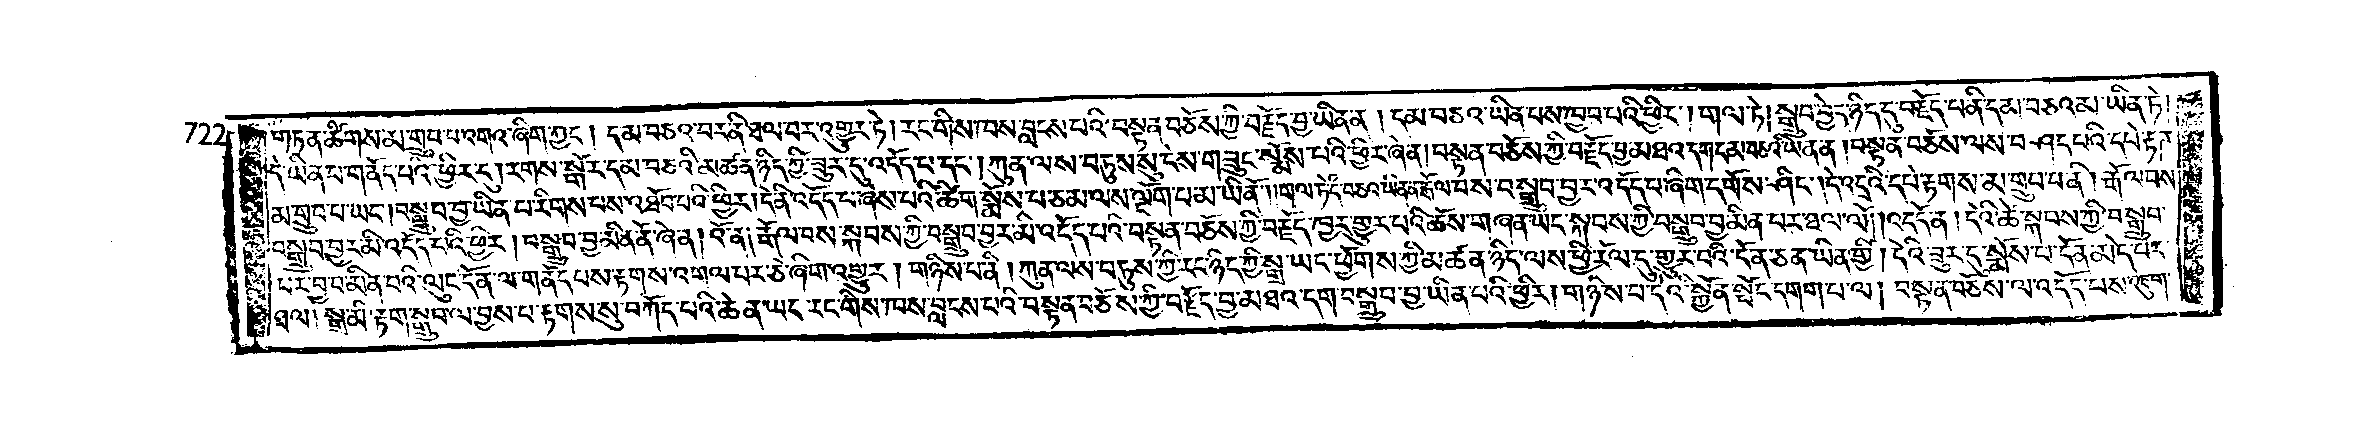གཏན་ཚིགས་མ་གྲུབ་པ་འགའ་ཞིག་ཀྱང་། དམ་བཅའ་བར་ནི་ཐལ་བར་འགྱུར་ཏེ། རང་གིས་ཁས་བླངས་པའི་བསྟན་བཅོས་ཀྱི་བརྗོད་བྱ་ཡིན་ན། དམ་བཅའ་ཡིན་པས་ཁྱབ་པའི་ཕྱིར། གལ་ཏེ། སྒྲུབ་བྱེད་ཉིད་དུ་བརྗོད་པ་ནི་དམ་བཅའ་མ་ཡིན་ཏེ།
དེ་ཡིན་པ་གནོད་པའི་ཕྱིར་དུ། རགས་སྒོར་དམ་བཅའི་མཚན་ཉིད་ཀྱི་ཟུར་དུ་འདོད་པ་དང་། ཀུན་ལས་བཏུས་སུ་ངེས་གཟུང་སྨོས་པའི་ཕྱིར་ཞེ་ན། བསྟན་བཅོས་ཀྱི་བརྗོད་བྱ་མཐའ་དག་དམ་བཅའ་ཡིན་ན། བསྟན་བཅོས་ལས་བཤད་པའི་དཔེ་རྟགས་
མ་གྲུབ་པ་ཡང་། བསྒྲུབ་བྱ་ཡིན་པ་རིགས་པས་འཐོབ་པའི་ཕྱིར། དེ་ནི་འདོད་པ་ཞེས་པའི་ཚིག་སྨོས་པ་ཙམ་ལས་ལྡོག་པ་མ་ཡིན་ནོ། །གལ་ཏེ་དམ་བཅའ་ཡིན་ན་རྒོལ་བས་བསྒྲུབ་བྱར་འདོད་པ་ཞིག་དགོས་ཤིང་། དེ་འདྲའི་དཔེ་རྟགས་མ་གྲུབ་པ་ནི། རྒོལ་བས་
བསྒྲུབ་བྱས་མི་འདོད་པའི་ཕྱིར། བསྒྲུབ་བྱ་མིན་ནོ་ཞེ་ན། འོ་ན། རྒོལ་བས་སྐབས་ཀྱི་བསྒྲུབ་བྱར་མི་འདོད་པའི་བསྟན་བཅོས་ཀྱི་བརྗོད་བྱར་གྱུར་བའི་ཆོས་གཞན་ཡང་སྐབས་ཀྱི་བསྒྲུབ་བྱ་མིན་པར་ཐལ་ལོ། །འདོད་ན། དེའི་ཚེ་སྐབས་ཀྱི་བསྒྲུབ་
པར་བྱ་བ་མིན་པའི་ལུང་དོན་ལ་གནོད་པས་རྟགས་འགལ་བར་ཅི་ཞིག་འགྱུར། གཉིས་པ་ནི། ཀུན་ལས་བཏུས་ཀྱི་རང་ཉིད་སྒྲ་ཡང་ཕྱོགས་ཀྱི་མཚན་ཉིད་ལས་ཕྱི་རོལ་དུ་གྱུར་བའི་དོན་ཅན་ཡིན་གྱི། དེའི་ཟུར་དུ་སྨོས་པ་དོན་མེད་པར་
ཐལ། སྒྲ་མི་རྟག་སྒྲུབ་ལ་བྱས་པ་རྟགས་སུ་བཀོད་པའི་ཆེན་ན་ཡང་རང་གིས་ཁས་བླངས་པའི་བསྟན་བཅོས་ཀྱི་བརྗོད་བྱ་མཐའ་དག་བསྒྲུབ་བྱ་ཡིན་པའི་ཕྱིར། གཉིས་པ་དེའི་སྐྱོན་སྤོང་དགག་པ་ལ། བསྟན་བཅོས་ལ་འདོད་པས་འཇུག་